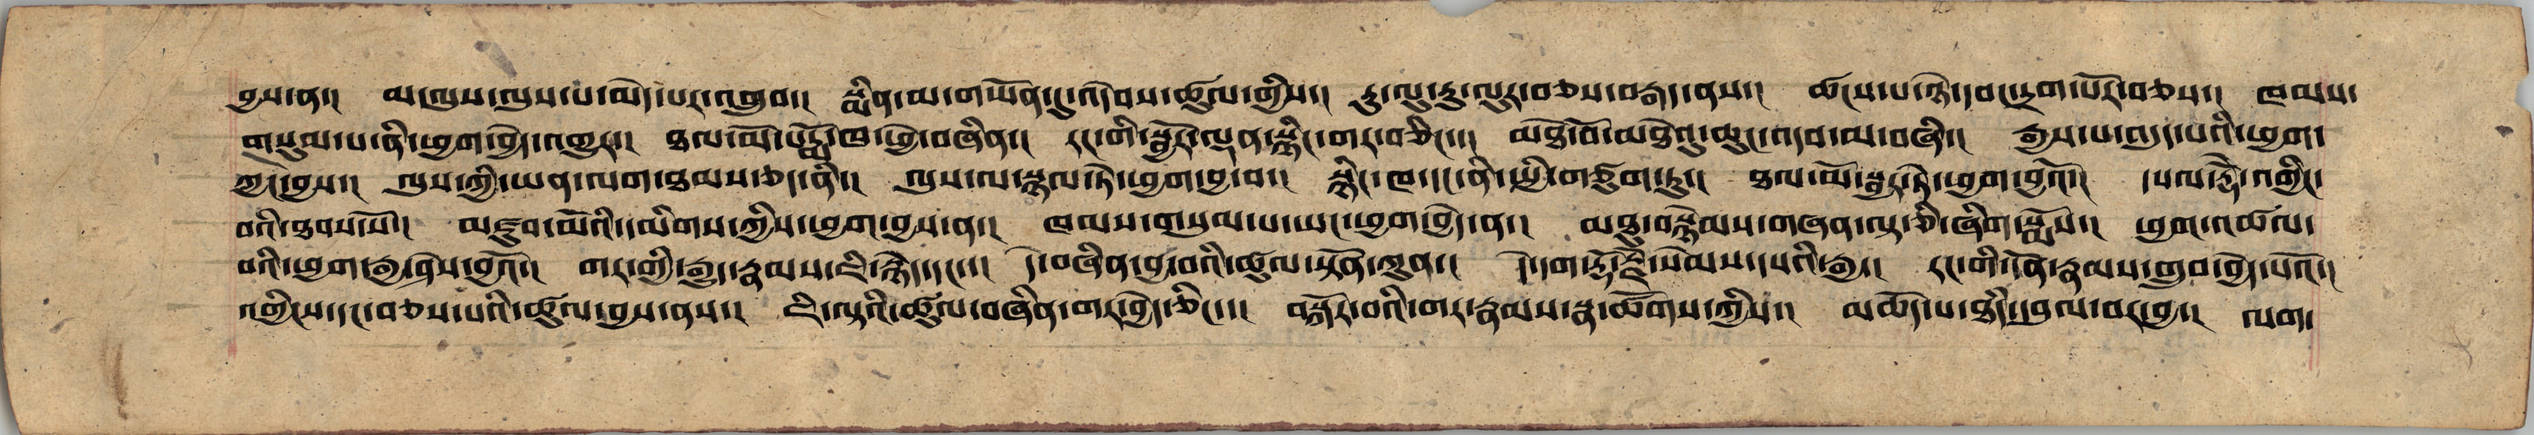བྱས་ན་། མ་ལུས་ལུས་པ་མེད་པར་འགྲུབ་། སྨིན་མ་གཡོན་དུ་འདེབས་ཚུལ་གྱིས་། རུ་ལུ་རུ་ལུར་བཅས་བརྒད་ནས་། ཚངས་པ་ཉེ་དབང་དྲག་པོར་བཅས་། ཁམས་
གསུམ་པ་ནི་ཕྱག་བྱེད་འགྱུར་། ཐལ་མོ་པདྨོ་ཁ་ཕྱེ་བཞིན་། རང་གི་སྦྱོར་ལྡན་སྙིང་གར་བཅིང་་། མཐེ་བོ་མཐེའུ་ཆུང་འདབ་མ་བཞི་། རྒྱས་པ་འདུད་པའི་ཕྱག་
ཀྱང་བྱས་། ལུས་ཀྱི་ཡན་ལག་ཐམས་ཅད་ནི་། ལུས་ལ་སྙལ་ཏེ་ཕྱག་བྱ་བ་། སྙིང་ཁ་དང་ནི་སྤྱི་གཙུག་ཏུ་། ཐལ་མོ་སྦྱར་ཏེ་ཕྱག་བྱའོ་། དཔལ་རྡོེ་འགྱིང་
བའི་ཐབས་སོ་། མཛུབ་མོའི་དམིགས་ཀྱིས་ཕྱག་བྱས་ན་། ཁམས་གསུམ་པ་ཡང་ཕྱག་བྱེད་ན་། མཐུ་བསྙེམས་གཞན་ལྟ་ཅི་ཞིག་སྨོས་། ཕྱག་འཚལ་
པའི་ཕྱག་རྒྱ་ཤེས་བྱའོ་། གར་གྱི་རྒྱུད་རྣམས་ཇི་སྙེད་དང་་། དེ་བཞིན་བྱ་བའི་ཚུལ་སྟོན་ཀུན་། དེ་དག་རྡོ་རྗེ་སེམས་དཔའི་རྒྱ་། རང་གི་དོན་རྣམས་གྲུབ་བྱེད་པའོ་།
འགྱིངས་དང་བཅས་པའི་ཚུལ་བྱས་ནས་། ཇི་ལྟའི་ཚུལ་བཞིན་གར་བྱེད་ཅིང་་། བསྐོར་བའི་གར་རྣམས་སྣ་ཚོགས་ཀྱིས་། མཆོད་པ་ཐཾད་དབུལ་བར་བྱ་། ལག་